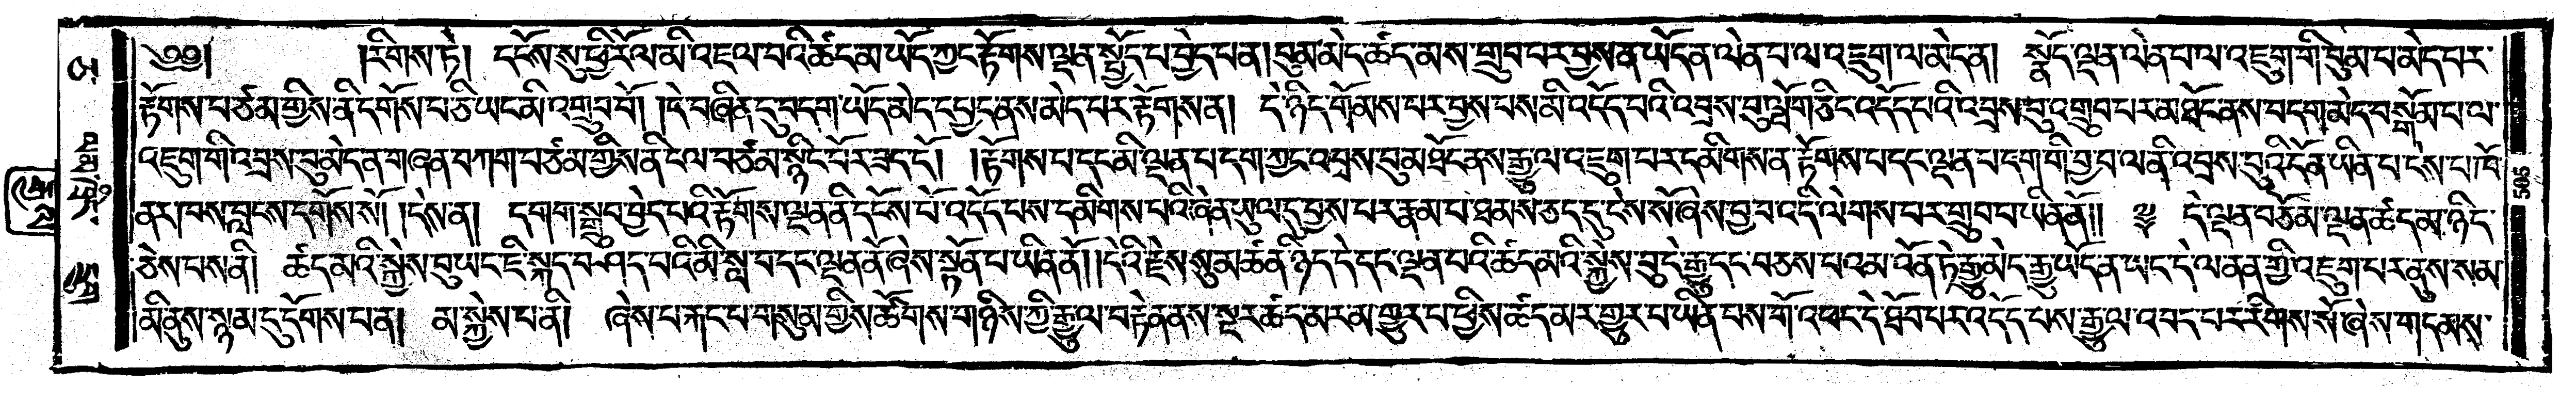༄༅། །རིགས་ཏེ། དངོས་སུ་ཕྱི་རོལ་མི་འཇལ་བའི་ཚད་མ་ཡོད་ཀྱང་རྟོགས་ལྡན་སྤྱོད་པ་བྱེད་པ་ན། བུམ་མེད་ཚད་མས་གྲུབ་པར་བྱས་ན་ཡོད་ན་ལེན་པ་ལ་འཇུག་ལ་མེད་ན། སྣོད་ལྡན་ལེན་པ་ལ་འཇུག་གི་བུམ་པ་མེད་པར་
རྟོགས་པ་ཙམ་གྱིས་ནི་དགོས་པ་ཅི་ཡང་མི་འགྲུབ་པོ། །དེ་བཞིན་དུ་བདག་ཡོད་མེད་དཔྱད་ནས་མེད་པར་རྟོགས་ན། དེ་ཉིད་གོམས་པར་བྱས་པས་མི་འདོད་པའི་འབྲས་བུ་ལྦོག་?་ཅིང་འདོད་པའི་འབྲས་བུ་འགྲུབ་པར་མཐོང་ནས་བདག་མེད་བསྒོམ་པ་ལ་
འཇུག་གི་འབྲས་བུ་མེད་ན་གཞན་བཀག་པ་ཙམ་གྱིས་ནི་ངལ་བ་ཙམ་སྙིང་པོར་ཟད་དོ། །རྟོགས་པ་དང་མི་ལྡན་པ་དག་ཀྱང་འབྲས་བུ་མཐོང་ནས་རྒྱུ་ལ་འཇུག་པར་དམིགས་ན་རྟོགས་པ་དང་ལྡན་པ་དག་གི་བྱ་བ་ལ་ནི་འབྲས་བུའི་དོན་ཡིན་པ་ངེས་པ་ཁོ་
ནར་ཁས་བླངས་དགོས་སོ། །དེས་ན། དགག་སྒྲུབ་བྱེད་པའི་རྟོགས་ལྡན་ནི་དངོས་པོ་འདོད་པས་དམིགས་པའི་ཞེན་ཡུལ་དུ་བྱས་པར་རྣམ་པ་ཐམས་ཅད་དུ་ངེས་སོ་ཞེས་བྱ་བ་འདི་ལེགས་པར་གྲུབ་པ་ཡིན་ནོ།། ༈ དེ་ལྡན་བཅོམ་ལྡན་ཚད་མ་ཉིད་
ཅེས་པས་ནི། ཚད་མའི་སྐྱེས་བུ་ཡང་ཇི་སྐད་བཤད་པའི་མི་སླ་བ་དང་ལྡན་ནོ་ཞེས་སྟོན་པ་ཡིན་ནོ། །དེའི་རྗེས་སུ་མཚན་ཉིད་དེ་དང་ལྡན་པའི་ཚད་མའི་སྐྱེས་བུ་དེ་རྒྱུ་དང་བཅས་པའམ་འོན་ཏེ་རྒྱུ་མེད་རྒྱུ་ཡོད་ན་ཡང་དེ་ལ་ནན་གྱི་འཇུག་པར་ནུས་སམ་
མི་ནུས་སྙམ་དུ་དོགས་པ་ན། མ་སྐྱེས་པ་ནི། ཞེས་པ་རྐང་པ་གསུམ་གྱིས་ཚོགས་གཉིས་ཀྱི་རྒྱུ་ལ་བརྟེན་ནས་སྔར་ཚད་མར་མ་གྱུར་པ་ཕྱིས་ཚད་མར་གྱུར་པ་ཡིན་པས་གོ་འཕང་དེ་ཐོབ་པར་འདོད་པས་རྒྱུ་ལ་འབད་པར་རིགས་སོ་ཞེས་གདམས་